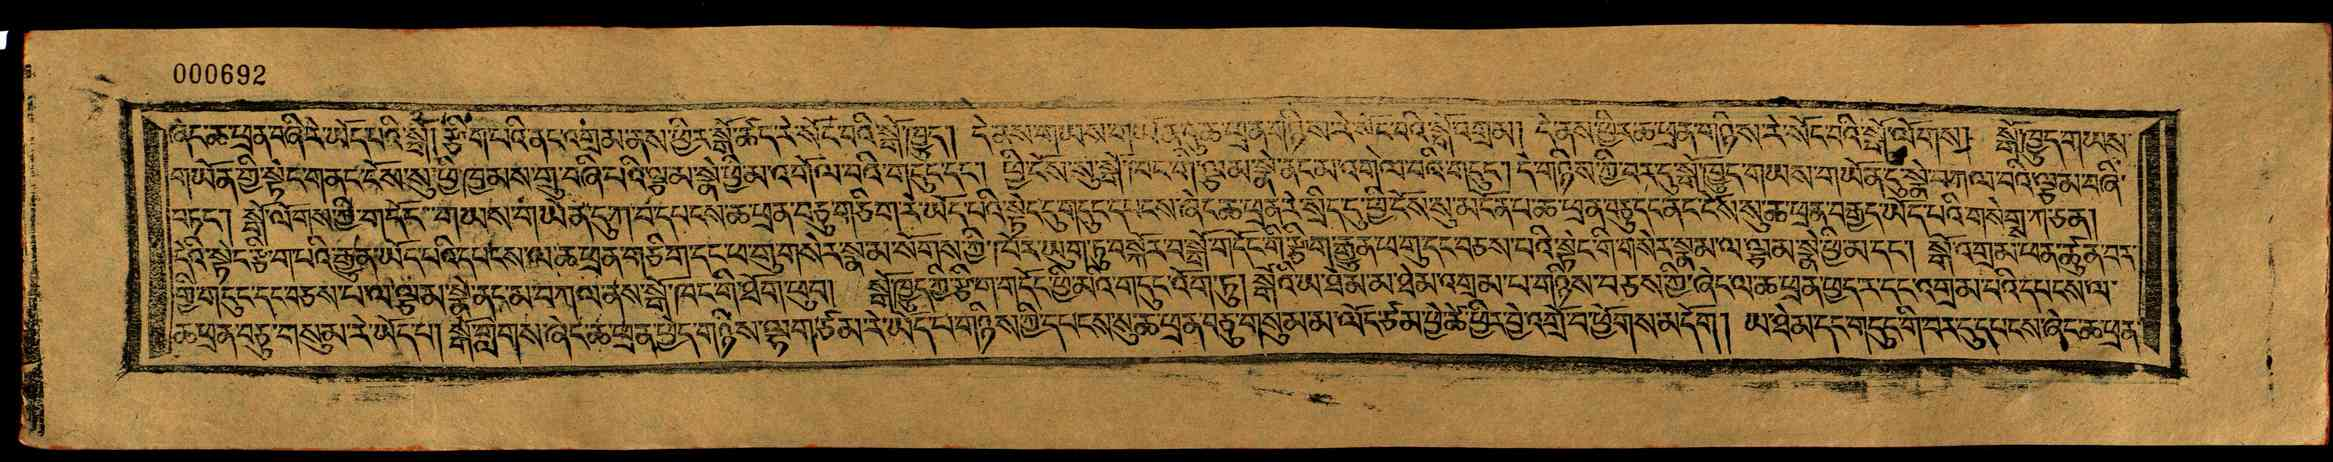ཞེང་ཆ་ཕྲན་བཞི་རེ་ཡོད་པའི་སྒོ །རྩིག་པའི་ནང་འགྲམ་ནས་ཕྱིར་སྒོ་ཚང་རེ་སོང་བའི་སྒོ་ཁྱུད། དེ་ནས་གཡས་གཡོན་དུ་ཆ་ཕྲན་གཉིས་རེ་སོང་བའི་སྒོ་འགྲམ། དེ་ནས་ཕྱིར་ཆ་ཕྲན་གཉིས་རེ་སོང་བའི་སྒོ་ལོགས། སྒོ་ཁྱུད་གཡས་
གཡོན་གྱི་སྟེང་གི་ནང་ངོས་སུ་ཕྱི་ཁྱམས་གྲུ་བཞི་པའི་ལྕམ་སྣེ་ཕྱི་མ་འགེལ་བའི་གདུང་དང་། ཕྱི་ངོས་སུ་སྒོ་ཁང་གི་ལྕམ་སྣེ་ནང་མ་འགེལ་བའི་གདུང་། དེ་གཉིས་ཀྱི་བར་དུ་སྒོ་ཁྱུད་གཡས་གཡོན་དུ་སྣེ་བཀལ་བའི་ལྕམ་བཞི་
བཏང་། སྒོ་ལོགས་ཀྱི་གདོང་གཡས་གཡོན་དུ་ཀ་བ་དཔངས་ཆ་ཕྲན་བཅུ་གཅིག་རེ་ཡོད་པའི་སྟེང་དུ་གདུང་དཔངས་ཞེང་ཆ་ཕྲན་རེ་སྲིད་དུ་ཕྱི་ངོས་སུ་མངོན་པ་ཆ་ཕྲན་བཅུ་དང་ནང་ངོས་སུ་ཆ་ཕྲན་བརྒྱད་ཡོད་པའི་གསེག་ཀ་ཅན།
དེའི་སྟེང་རྩིག་པའི་རྒྱུན་ཡོད་པའི་དཔངས་ལ་ཆ་ཕྲན་གཅིག་དང་ཕ་གུ་གསེར་སྣམ་སོགས་ཀྱི་ཁོར་ཡུག་ཏུ་བསྐོར་བ་སྒོ་གདོང་གི་རྩིག་རྒྱུན་ཕ་གུ་དང་བཅས་པའི་སྟེང་གི་གསེར་སྣམ་ལ་ལྕམ་སྣེ་ཕྱི་མ་དང་། སྒོ་འགྲམ་ཕན་ཚུན་བར་
ཀྱི་གདུང་དང་བཅས་པ་ལ་ལྕམ་སྣེ་ནང་མ་བཀལ་ནས་སྒོ་ཁང་གི་ཐོག་ཕུབ། སྒོ་ཁྱུད་ཀྱི་རྩིག་གདོང་ཕྱི་མའི་གདུང་འོག་ཏུ། སྒོའི་ཡ་ཐེམ་མ་ཐེམ་འགྲམ་པ་གཉིས་བཅས་ཀྱི་ཞེང་ལ་ཆ་ཕྲན་ཕྱེད་རྭ་དང་འགྲམ་པའི་དཔངས་ལ་
ཆ་ཕྲན་བཅུ་གསུམ་རེ་ཡོད་པ། སྒོ་གླེགས་ཞེང་ཆ་ཕྲན་ཕྱེད་གཉིས་ལྷག་ཙམ་རེ་ཡོད་པ་གཉིས་ཀྱི་དཔངས་སུ་ཆ་ཕྲན་བཅུ་གསུམ་མ་ལོང་ཙམ་ཕྱེ་ཚེ་ཕྱིར་བྱེ་འགྲོ་བ་ཕྱོགས་མདོག །ཡ་ཐེམ་དང་གདུང་གི་བར་དུ་དཔངས་ཞེང་ཆ་ཕྲན་